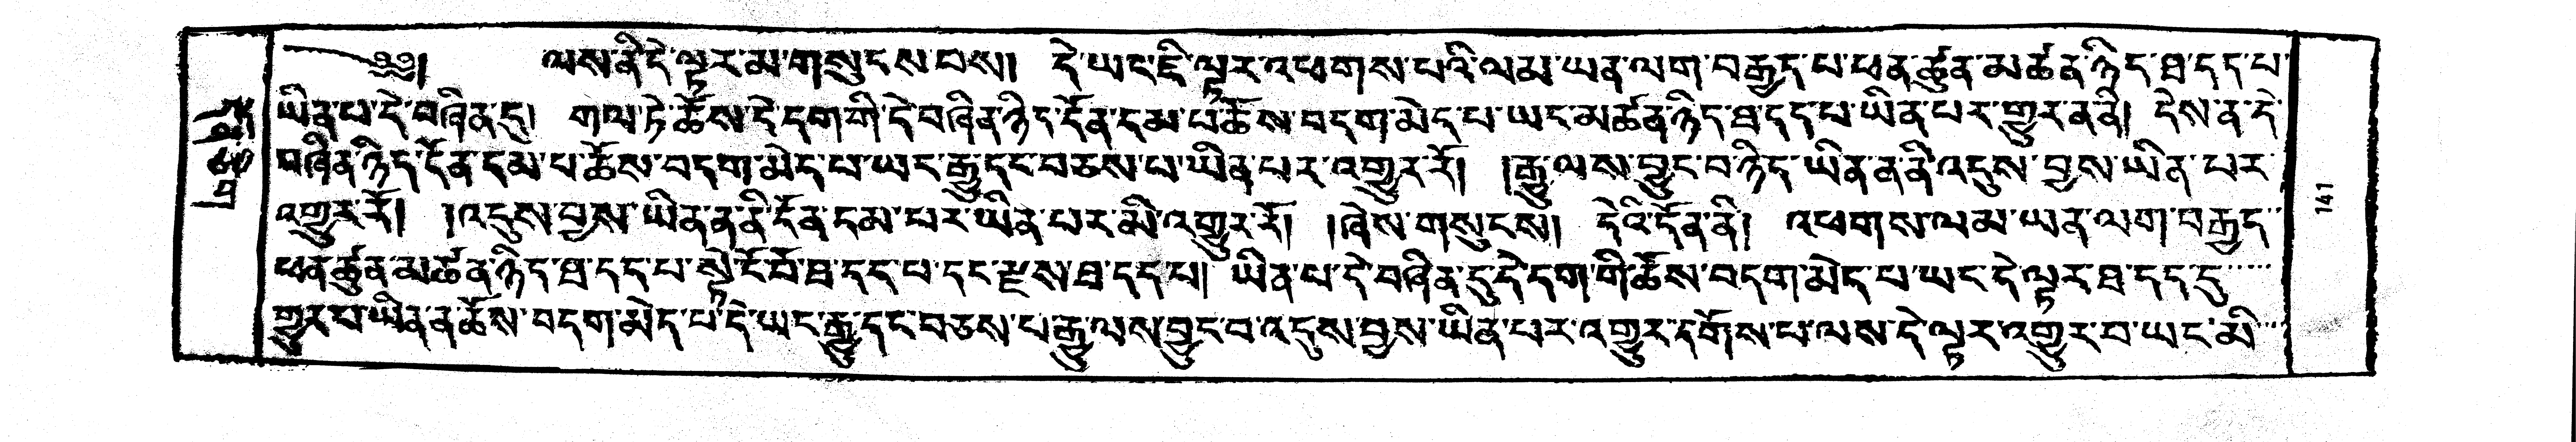༄༅། །ལས་ནི་དེ་ལྟར་མ་གསུངས་པས། དེ་ཡང་ཇི་ལྟར་འཕགས་པའི་ལམ་ཡན་ལག་བརྒྱད་པ་ཕན་ཚུན་མཚན་ཉིད་ཐ་དད་པ་
ཡིན་པ་དེ་བཞིན་དུ། གལ་ཏེ་ཆོས་དེ་དག་གི་དེ་བཞིན་ཉིད་དོན་དམ་པ་ཆོས་བདག་མེད་པ་ཡང་མཚན་ཉིད་ཐ་དད་པ་ཡིན་པར་གྱུར་ན་ནི། དེས་ན་དེ་
བཞིན་ཉིད་དོན་དམ་པ་ཆོས་བདག་མེད་པ་ཡང་རྒྱུ་དང་བཅས་པ་ཡིན་པར་འགྱུར་རོ། །རྒྱུ་ལས་བྱུང་བ་ཉིད་ཡིན་ན་ནི་འདུས་བྱས་ཡིན་པར་
འགྱུར་རོ། །འདུས་བྱས་ཡིན་ན་ནི་དོན་དམ་པར་ཡིན་པར་མི་འགྱུར་རོ། །ཞེས་གསུངས། དེའི་དོན་ནི། འཕགས་ལམ་ཡན་ལག་བརྒྱད་
ཕན་ཚུན་མཚན་ཉིད་ཐ་དད་པ་སྟེ་ངོ་བོ་ཐ་དད་པ་དང་རྫས་ཐ་དད་པ་ཡིན་པ་དེ་བཞིན་དུ་དེ་དག་གི་ཆོས་བདག་མེད་པ་ཡང་དེ་ལྟར་ཐ་དད་དུ་
གྱུར་པ་ཡིན་ན་ཆོས་བདག་མེད་པ་དེ་ཡང་རྒྱུ་དང་བཅས་པ་རྒྱུ་ལས་བྱུང་བ་འདུས་བྱས་ཡིན་པར་འགྱུར་དགོས་པ་ལས་དེ་ལྟར་འགྱུར་བ་ཡང་མི་